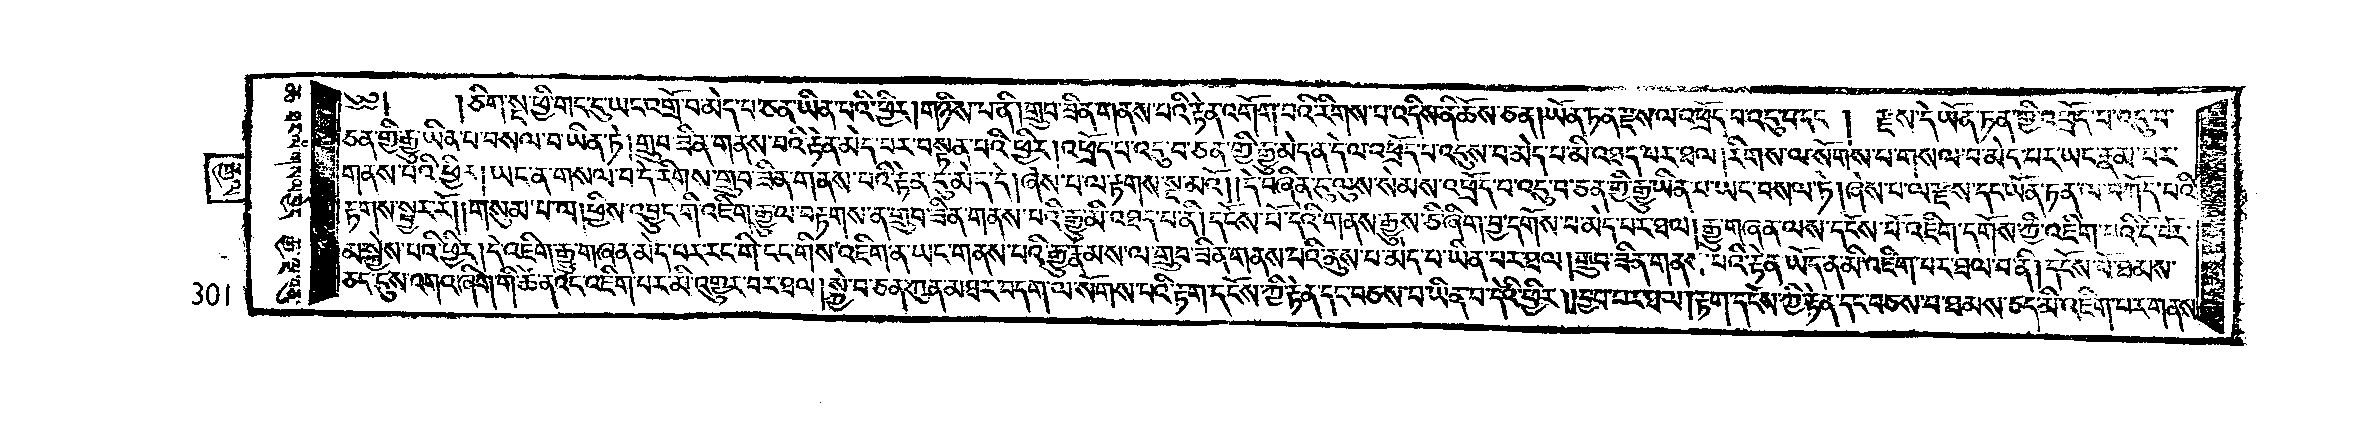༄༅། །ཅིག་སྔ་ཕྱི་གང་དུ་ཡང་འགྲོ་བ་མེད་པ་ཅན་ཡིན་པའི་ཕྱིར། གཉིས་པ་ནི། གྲུབ་ཟིན་གནས་པའི་རྟེན་འགོག་པའི་རིགས་པ་འདིས་ནི་ཆོས་ཅན། ཡོན་ཏན་རྫས་ལ་འཕྲོད་པ་འདུ་བ་དང་། རྫས་དེ་ཡོན་ཏན་གྱི་འཕྲོད་པ་འདུ་བ་
ཅན་གྱི་རྒྱུ་ཡིན་པ་བསལ་བ་ཡིན་ཏེ། གྲུབ་ཟིན་གནས་པའི་རྟེན་མེད་པར་བསྟན་པའི་ཕྱིར། འཕྲོད་པ་འདུ་བ་ཅན་གྱི་རྒྱུ་མེད་ན་དེ་ལ་འཕྲོད་པ་འདུས་པ་མེད་པ་མི་འཐད་པར་ཐལ། རིགས་ལ་སོགས་པ་གསལ་བ་མེད་པར་ཡང་རྣམ་པར་
གནས་པའི་ཕྱིར། ཡང་ན་གསལ་བ་དེ་རིགས་གྲུབ་ཟིན་གནས་པའི་རྟེན་དུ་མེད་དེ། ཞེས་པ་ལ་རྟགས་སྔ་མའོ། །དེ་བཞིན་དུ་ལུས་སེམས་འཕྲོད་པ་འདུ་བ་ཅན་གྱི་རྒྱུ་ཡིན་པ་ཡང་བསལ་ཏེ། ཞེས་པ་ལ་རྫས་དང་ཡོན་ཏན་ལ་བཀོད་པའི་
རྟགས་སྦྱར་རོ། །གསུམ་པ་ལ། ཕྱིས་འབྱུང་གི་འཇིག་རྒྱུ་ལ་བརྟགས་ན་གྲུབ་ཟིན་གནས་པའི་རྒྱུ་མི་འཐད་པ་ནི། དངོས་པོ་དེའི་གནས་རྒྱུས་ཅི་ཞིག་བྱ་དགོས་པ་མེ་དཔར་ཐལ། རྒྱུ་གཞན་ལས་དངོས་པོ་འཇིག་དགོས་ཀྱི་འཇིག་པའི་ངོ་བོར་
མ་སྐྱེས་པའི་ཕྱིར། དེ་འཇིག་རྒྱུ་གཞན་མེད་པར་རང་གི་ངང་གིས་འཇིག་ན་ཡང་གནས་པའི་རྒྱུ་རྣམས་ལ་གྲུབ་ཟིན་གནས་པའི་ནུས་པ་མེད་པ་ཡིན་པར་ཐལ། གྲུབ་ཟིན་གནས་པའི་རྟེན་ཡོད་ན་མི་འཇིག་པར་ཐལ་བ་ནི། དངོས་པོ་ཐམས་
ཅད་དུས་འགའ་ཞི་གི་ཚེ་ནའང་འཇིག་པར་མི་འགྱུར་བར་ཐལ། སྐྱེ་བ་ཅན་ཀུན་མཐར་བདག་ལ་སོགས་པའི་རྟག་དངོས་ཀྱི་རྟེན་དང་བཅས་པ་ཡིན་པ་དེའི་ཕྱིར། ཁྱབ་པར་ཐལ། རྟག་དངོས་ཀྱི་རྟེན་དང་བཅས་པ་ཐམས་ཅད་མི་འཇིག་པར་གནས་